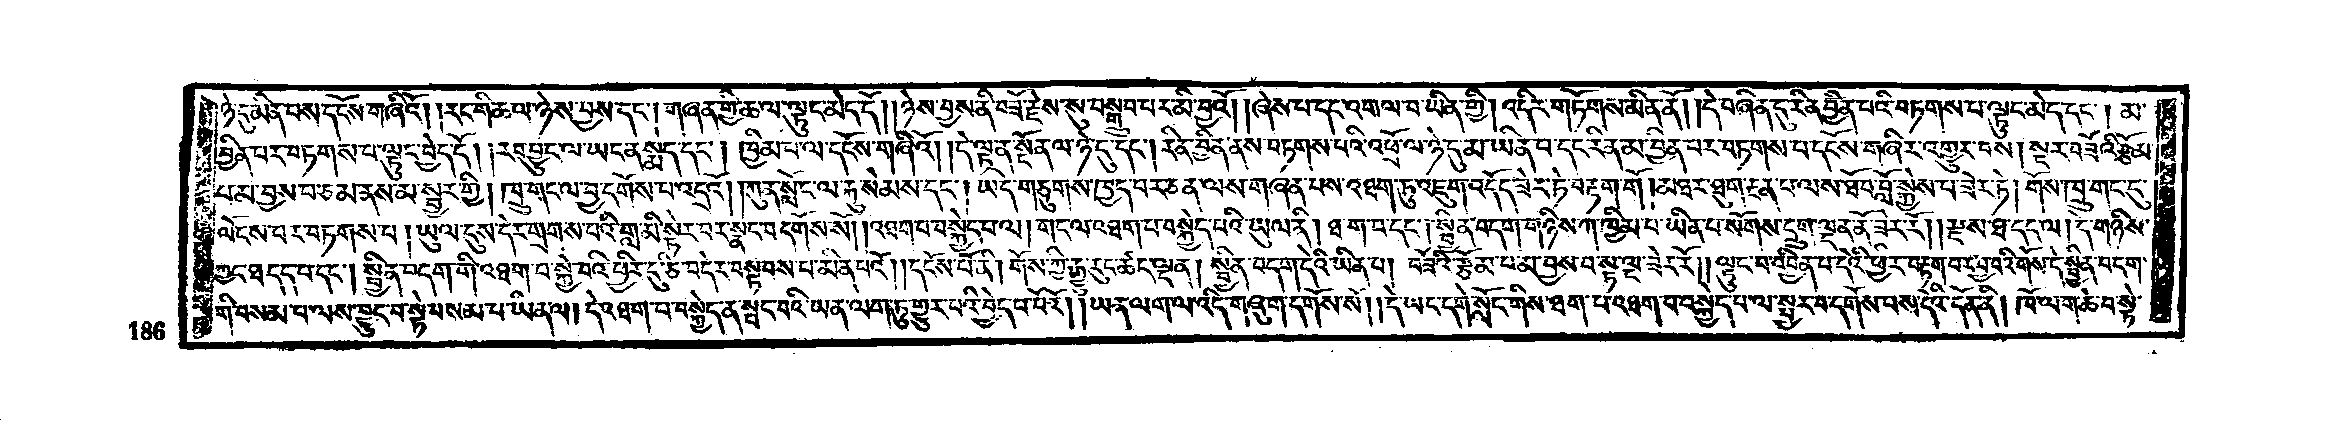ཉེ་དུ་མིན་པས་དངོས་གཞིའོ། །རང་གི་ཆ་ལ་ཉེས་བྱས་དང་། གཞན་གྱི་ཆ་ལ་ལྟུང་མེད་དོ། །ཉེས་བྱས་ནི་བཟོ་རྗེས་སུ་བསྒྲུབ་པར་མི་བྱའོ། །ཞེས་པ་དང་འགལ་བ་ཡིན་གྱི། འདིར་གཏོགས་མིན་ནོ། །དེ་བཞིན་དུ་རིན་བྱིན་པའི་བཏགས་པ་ལྟུང་མེད་དང་། མ་
བྱིན་པར་བཏགས་པ་ལྟུང་བྱེད་དོ། །རབ་བྱུང་ལ་ཡང་ན་སྨད་དང་། ཁྱིམ་པ་ལ་དངོས་གཞིའོ། །དེ་ལྟ་ན་སྔོན་ལ་ཉེ་དུ་དང་། རིན་བྱིན་ནས་བཏགས་པའི་འཕྲོ་ལ་ཉེ་དུ་མ་ཡིན་པ་དང་རིན་མ་བྱིན་པར་བཏགས་པ་དངོས་གཞིར་འགྱུར་བས། སྔར་བཟོའི་རྩོམ་
པ་མ་བྱས་པ་ཙམ་ནས་མ་སྦྱར་གྱི། ཁྲུ་གང་ལ་བྱ་དགོས་པ་འདྲའོ། །ཀུན་སློང་ལ་རྐུ་སེམས་དང་། ཡིད་གཅུགས་ཁྱད་པར་ཅན་ལས་གཞན་པས་འཐག་ཏུ་འཇུག་འདོད་ཟེར་ཏེ་བརྟག་གོ །མཐར་ཐུག་རྔན་པ་ལས་ཐོབ་བློ་སྐྱེས་པ་ཟེར་ཏེ། གོས་ཁྲུ་གང་དུ་
ལོངས་པར་བཏགས་པ། ཡུལ་དུས་དེར་གྲགས་པའི་གླ་མི་སྟེར་བར་སྣང་བ་དགོས་སོ། །འཐག་པ་བསྐྱེད་པ་ལ། གང་ལ་འཐག་པ་བསྐྱེད་པའི་ཡུལ་ནི། ཐ་ག་པ་དང་། སྦྱིན་བདག་གཉིས་ཀ་ཁྱིམ་པ་ཡིན་པ་སོགས་དྲུག་ལྡན་ནོ་ཟེར་རོ། །རྫས་ཐ་དད་ལ། དེ་གཉིས་
ཀྱང་ཐ་དད་པ་དང་། སྦྱིན་བདག་གི་འཐག་པ་སྐྱེ་བའི་ཕྱིར་དུ་ཅི་བདེར་བསྟབས་པ་མིན་པའོ། །དངོས་པོ་ནི། གོས་ཀྱི་རྒྱུ་རུང་ཚད་ལྡན། སྦྱིན་བདག་དེའི་ཡིན་པ། བཟོའི་རྩོམ་པ་མ་བྱས་བ་སྟ་ལྔ་ཟེར་རོ། །ལྟུང་བ་འབྱིན་པ་དེའི་ཕྱིར་བརྟག་པར་བྱ་བའི་གོས་དེ་སྦྱིན་བདག་
གི་བསམ་པ་ལས་བྱུང་བ་སྟེ་བསམ་པ་ཡིན་ལ། དེ་འཐག་པ་བསྐྱེད་ན་སྤང་བའི་ཡན་ལག་ཏུ་གྱུར་པའི་བྱེད་པ་པོའོ། །ཡན་ལག་ལ་འདི་གཞུག་དགོས་སོ། །དེ་ཡང་དགེ་སློང་གིས་ཐག་པ་འཐག་པ་བསྐྱེད་པ་ལ་སྦྱར་བ་དགོས་པས་དེའི་དོན་ནི། ཁོ་ལ་ག་ཆེ་བ་སྟེ་